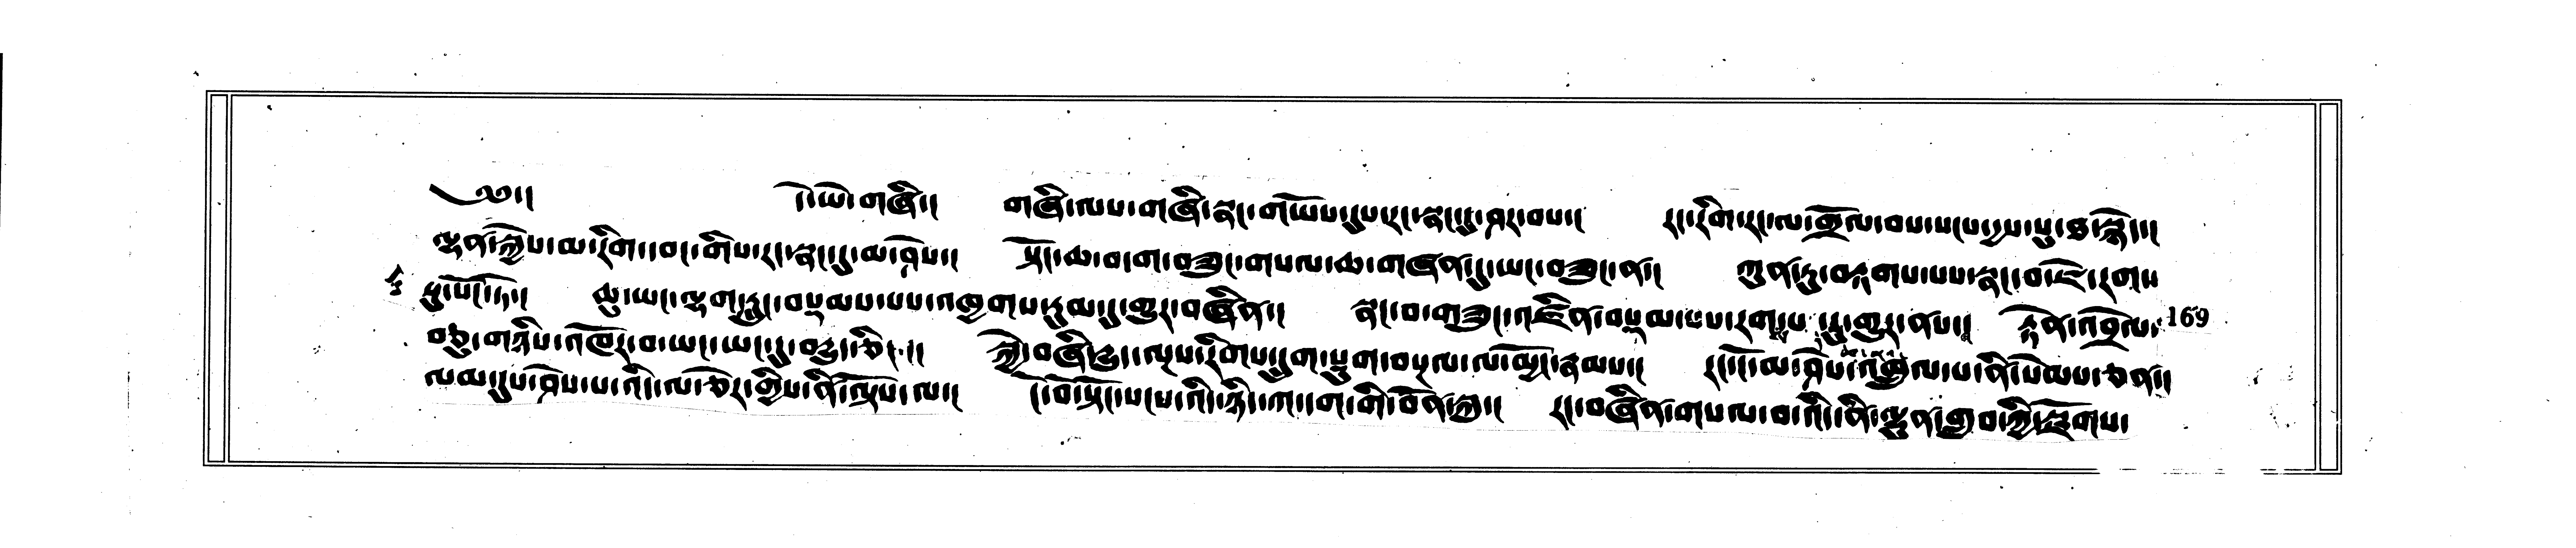དེ་ཡེ་གཞི། །གཞི་ལས་གཞི་སྣང་གཡོས་དུས་རང་སྣང་དུ་ཤར་བས། །རང་རིག་རང་ལ་གྲོལ་བས་སངས་རྒྱས་སུ་ཐ་སྙད།།
ལྷན་སྐྱེས་མ་རིག་དབང་གིས་རང་སྣང་དུ་མ་ཤེས། །སྟོང་ཆ་བདག་བཟུང་གསལ་ཆ་གཞན་དུ་ཡང་བཟུང་ནས། །ཀུན་ཏུ་བརྟགས་པས་སྣང་བ་ཇེ་རགས་
སུ་སོང་སྟེ། །ཆུ་ཡང་ལྷག་རླུང་བདམས་པས་འཁྱག་རོམ་དུ་གྱུར་བཞིན། །སྣང་བ་གཟུང་འཛིན་བསྡམས་པས་རགས་པ་རུ་གྱུར་ནས། །རྟེན་འབྲེལ་
བཅུ་གཉིས་འཁོར་བ་ཡང་ཡང་དུ་བརྒྱུད་ཅིང་། །སྐྱེ་བཞི་རྒྱུད་ལྔས་རིགས་དྲུག་སྡུག་བསྔལ་ལ་མྱོང་རྣམས། །རང་ངོ་མ་ཤེས་ཆ་ནས་འཁྲུལ་པ་ནི་སེམས་ཅན། །
ལམ་དུས་ཤེས་པ་འདི་ལ་ཅེར་གྱིས་ནི་ལྟོས་ལ། །ངོ་བོ་སྟོང་སངས་འདི་ནི་ཀ་དག་གི་བོན་སྐུ། །རང་བཞིན་གསལ་བ་འདི་ནི་ལྷུན་གྲུབ་ཀྱི་རྫོགས་